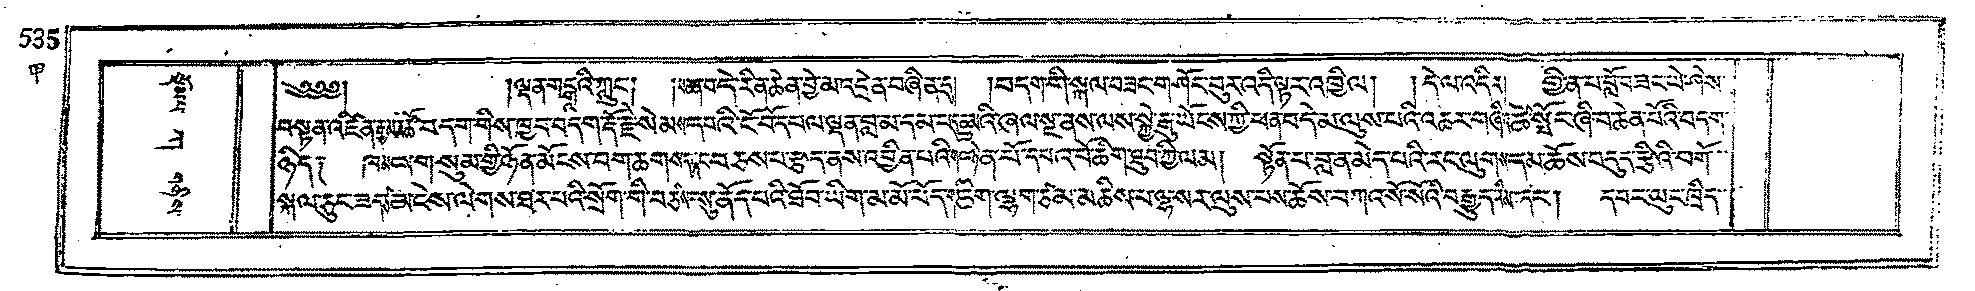༄༅༅། །ལྡན་གངྒའི་ཀླུང་། །ཕན་བདེ་རིན་ཆེན་བྱེ་མ་འདྲེན་བཞིན་དུ། །བདག་གི་སྐལ་བཟང་གཤོང་བུར་འདི་ལྟར་འཁྱིལ། །དེ་ལ་འདིར། གྱི་ན་བློ་བཟང་ཡེ་ཤེས་
བསྟན་འཛིན་རྒྱ་མཚོ་བདག་གིས་ཁྱབ་བདག་རྡོ་རྗེ་སེམས་དཔའི་ངོ་བོ་དཔལ་ལྡན་བླ་མ་དམ་པ་དུ་མའི་ཞལ་སྔ་ནས་ལས་སྐྱེ་རྒུ་ཡོངས་ཀྱི་ཕན་བདེ་མ་ལུས་པའི་འཆར་གཞི་འཚེ་སྤོང་ཞི་བ་ཆེན་པོའི་བདག་
ཉིད༑ ཁམས་གསུམ་གྱི་ཉོན་མོངས་བག་ཆགས་དང་བཅས་པ་རྩད་ནས་འབྱིན་པའི་གཉེན་པོ་དཔའ་བོ་ཆིག་ཐུབ་ཀྱི་ལམ། སྟོན་པ་བླ་ན་མེད་པའི་རང་ལུགས་དམ་ཆོས་བདུད་རྩིའི་བགོ་
སྐལ་ཅུང་ཟད་ཙམ་ངེས་ལེགས་ཐར་པའི་སྲོག་གི་བཙས་སུ་ནོད་པའི་ཐོབ་ཡིག་མ་མོ་པོད་གཅིག་ལྷག་ཙམ་མཆིས་པ་ལྷ་སར་ལུས་པས་ཆོས་བཀའ་སོ་སོའི་བརྒྱུད་རིམ་དང་། དབང་ལུང་ཁྲིད་